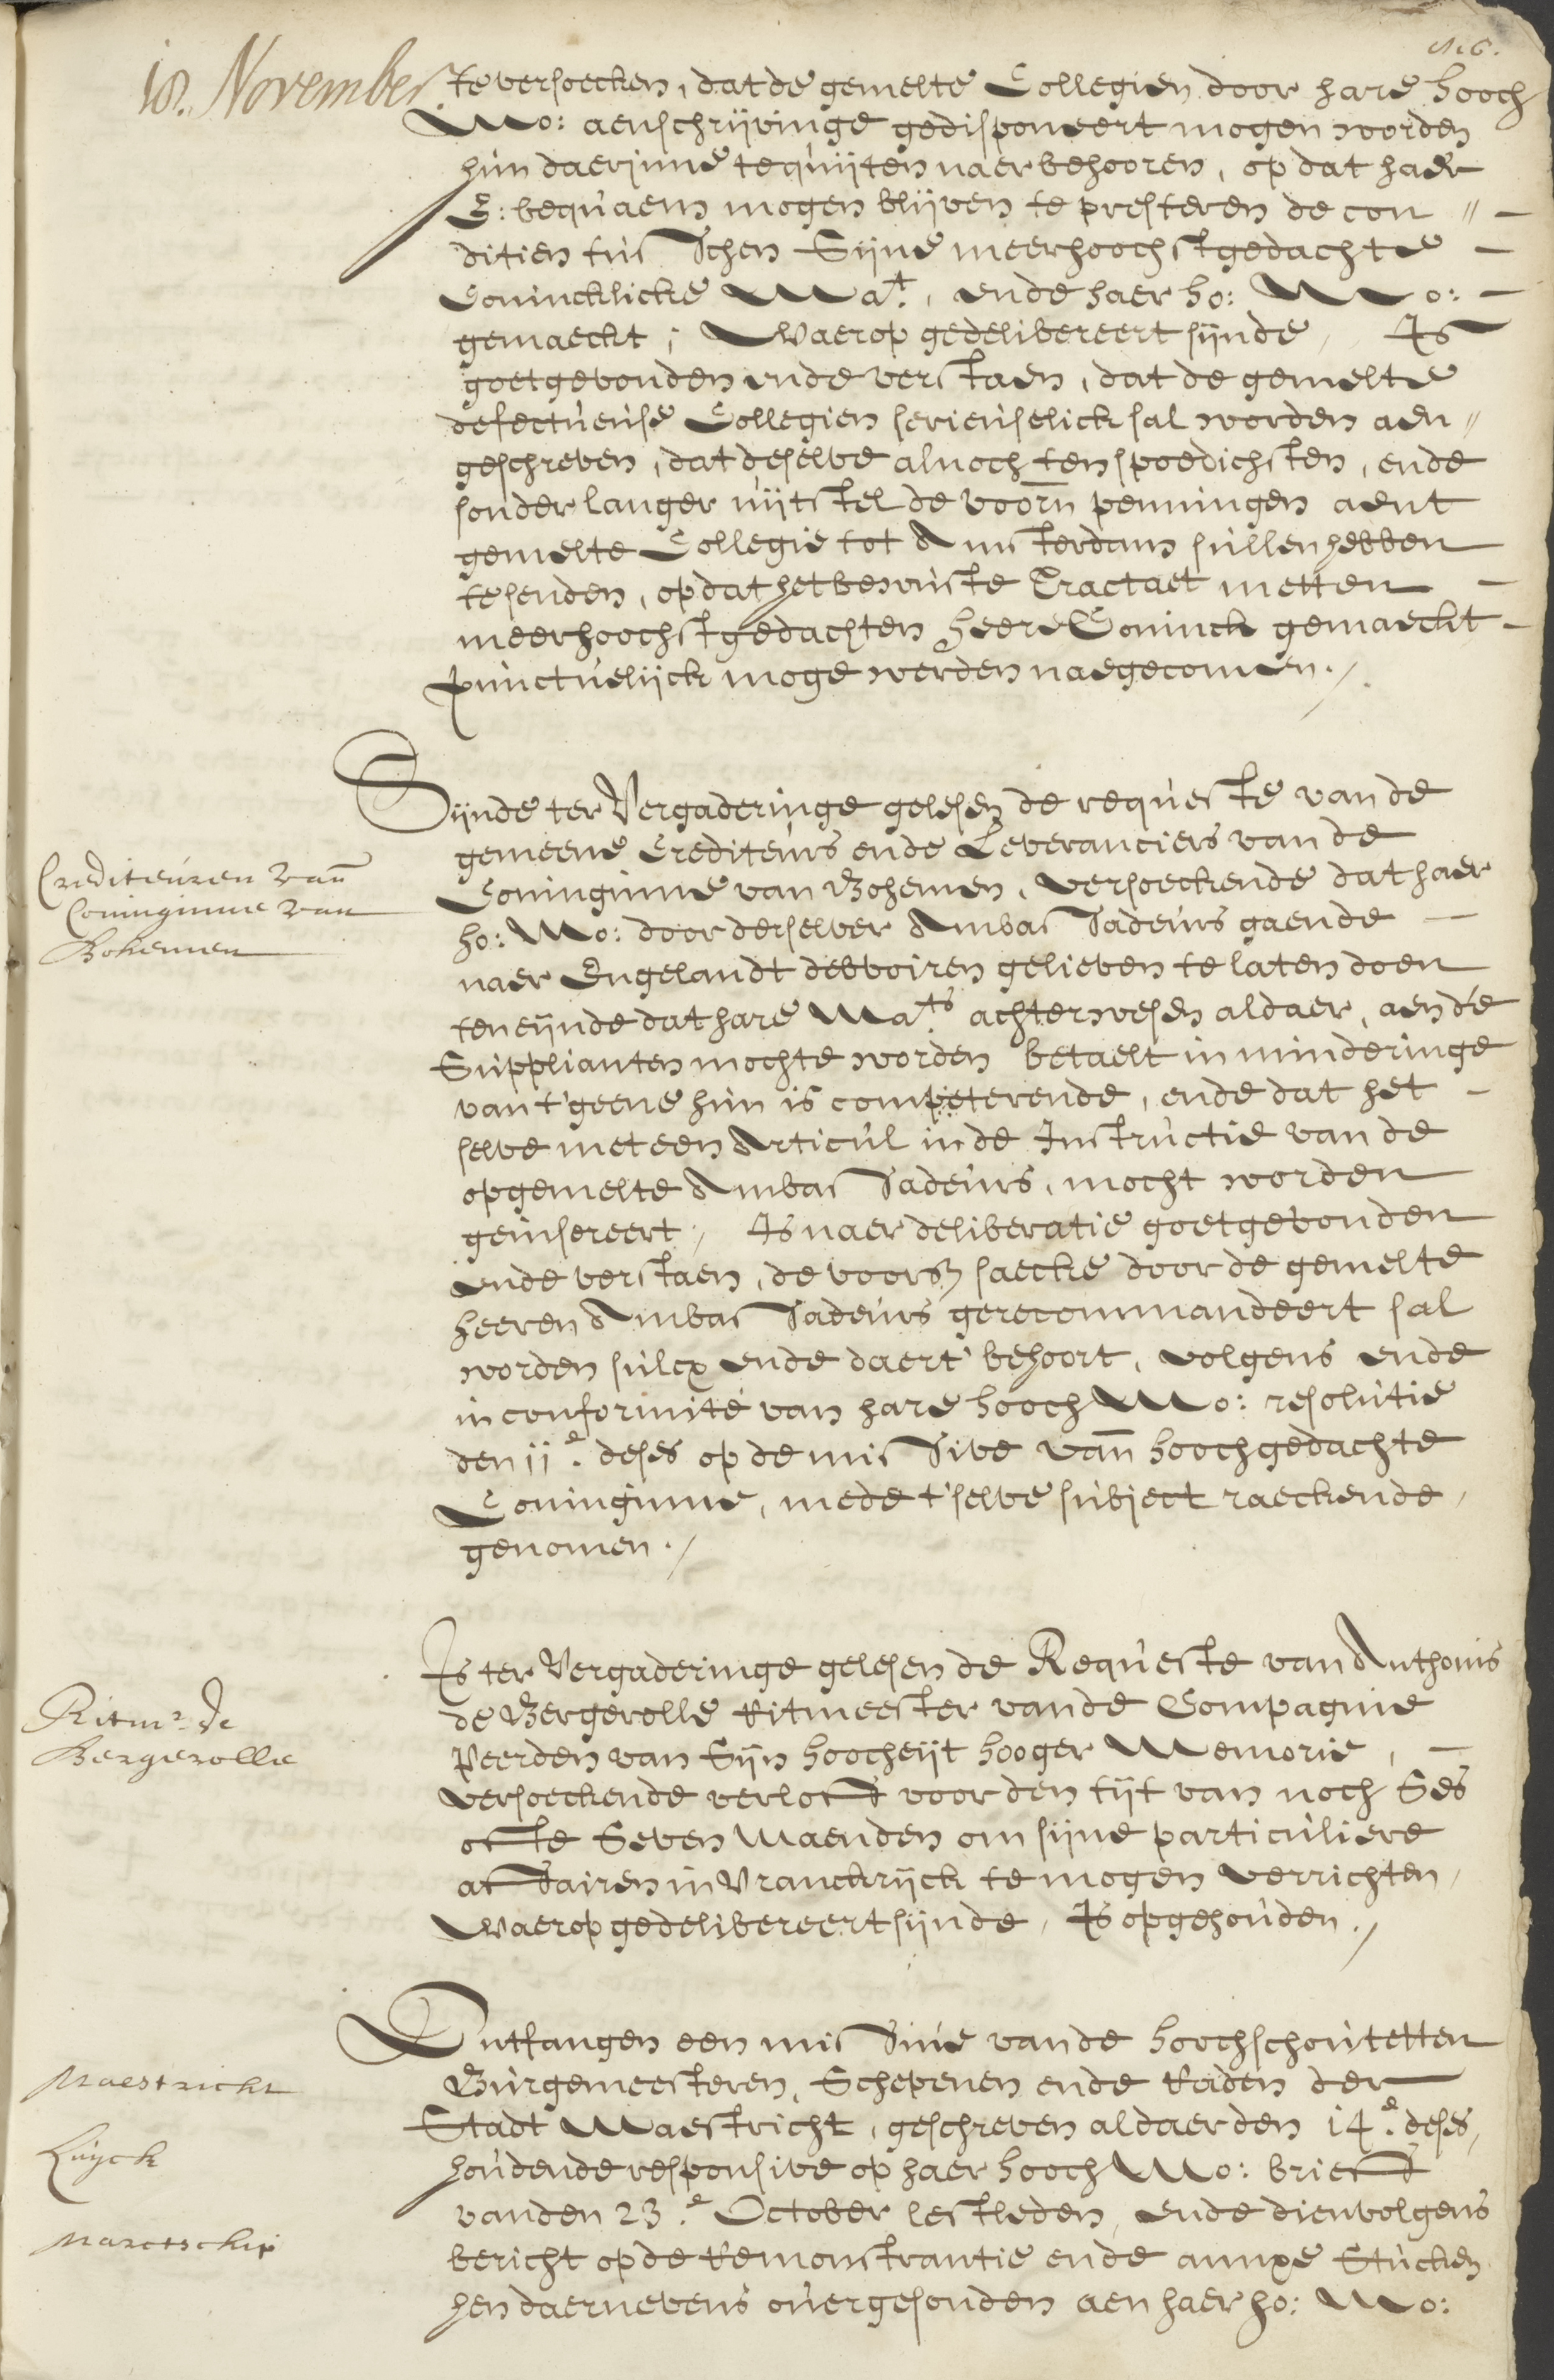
816.
18. November.
te versoecken, dat de gemelte Collegien door hare hooch
Mo: aenschrijvinge gedisponeert mogen worden
hun daerinne te quijten naer behooren, op dat haer
E: bequaem mogen blijven te presteren de con„
ditien tusschen Sijne meerhoochstgedachte
Conincklicke Mat., ende haer ho:Mo: -
gemaeckt; Waerop gedelibereert sijnde, Is
goetgevonden ende verstaen, dat de gemelte
defectueuse Collegien serieuselick sal worden aen„
geschreven, dat deselve alnoch ten spoedichsten, ende
sonder langer uijtstel de voorn penningen aent
gemelte Collegie tot Amsterdam sullen hebben
te senden, op dat het bewuste Tractaet metten
meerhoochstgedachten heere Coninck gemaeckt -
punctuelijck moge werden naegecomen.
Crediteuren van
Coninginne van
Bohemen
Sijnde ter Vergaderinge gelesen de requeste van de
gemeene Crediteurs ende Leveranciers van de
Coninginne van Bohemen, versoeckende dat haer
ho:Mo: door derselver Ambassadeurs gaende
naer Engelandt debvoiren gelieven te laten doen
ten eijnde dat hare Mats. achterwesen aldaer, aen de
Supplianten mochte worden betaelt in minderinge
van t'geene hun is competerende, ende dat het -
selve met een Articul inde Instructie van de
opgemelte Ambassadeurs, mocht worden
geinsereert; Is naer deliberatie goetgevonden
ende verstaen, de voors saecke door de gemelte
heeren Ambassadeurs gerecommandeert sal
worden sulcx ende daert' behoort, volgens ende
in conformité van hare hoochMo: resolutie
den iie deses op de missive van hoochgedachte
Coninginne, mede t'selve subject raeckende,
genomen.
Ritmr. de
Bergerolle
Is ter Vergaderinge gelesen de Requeste van Anthonis
de Bergerolle Ritmeester vande Compagnie
Peerden van Sijn hoocheijt hooger Memorie,
versoeckende verloff voor den tijt van noch Ses
ofte Seven Maenden om sijne particuliere
affairen in Vranckrijck te mogen verrichten.
Waerop gedelibereert sijnde, Is opgehouden.
Maestricht
Luijck
Marctschip.
Ontfangen een missiue van de hoochschoutetten
Burgemeesteren, Schepenen ende Raden der
Stadt Maestricht, geschreven aldaer den 14e. deses,
houdende responsive op haer hoochMo: brieff
van den 23e. October lestleden, ende dienvolgens
bericht op de Remonstrantie ende annxe Stucken
hen daernevens ouergesonden aen haer ho:Mo:
